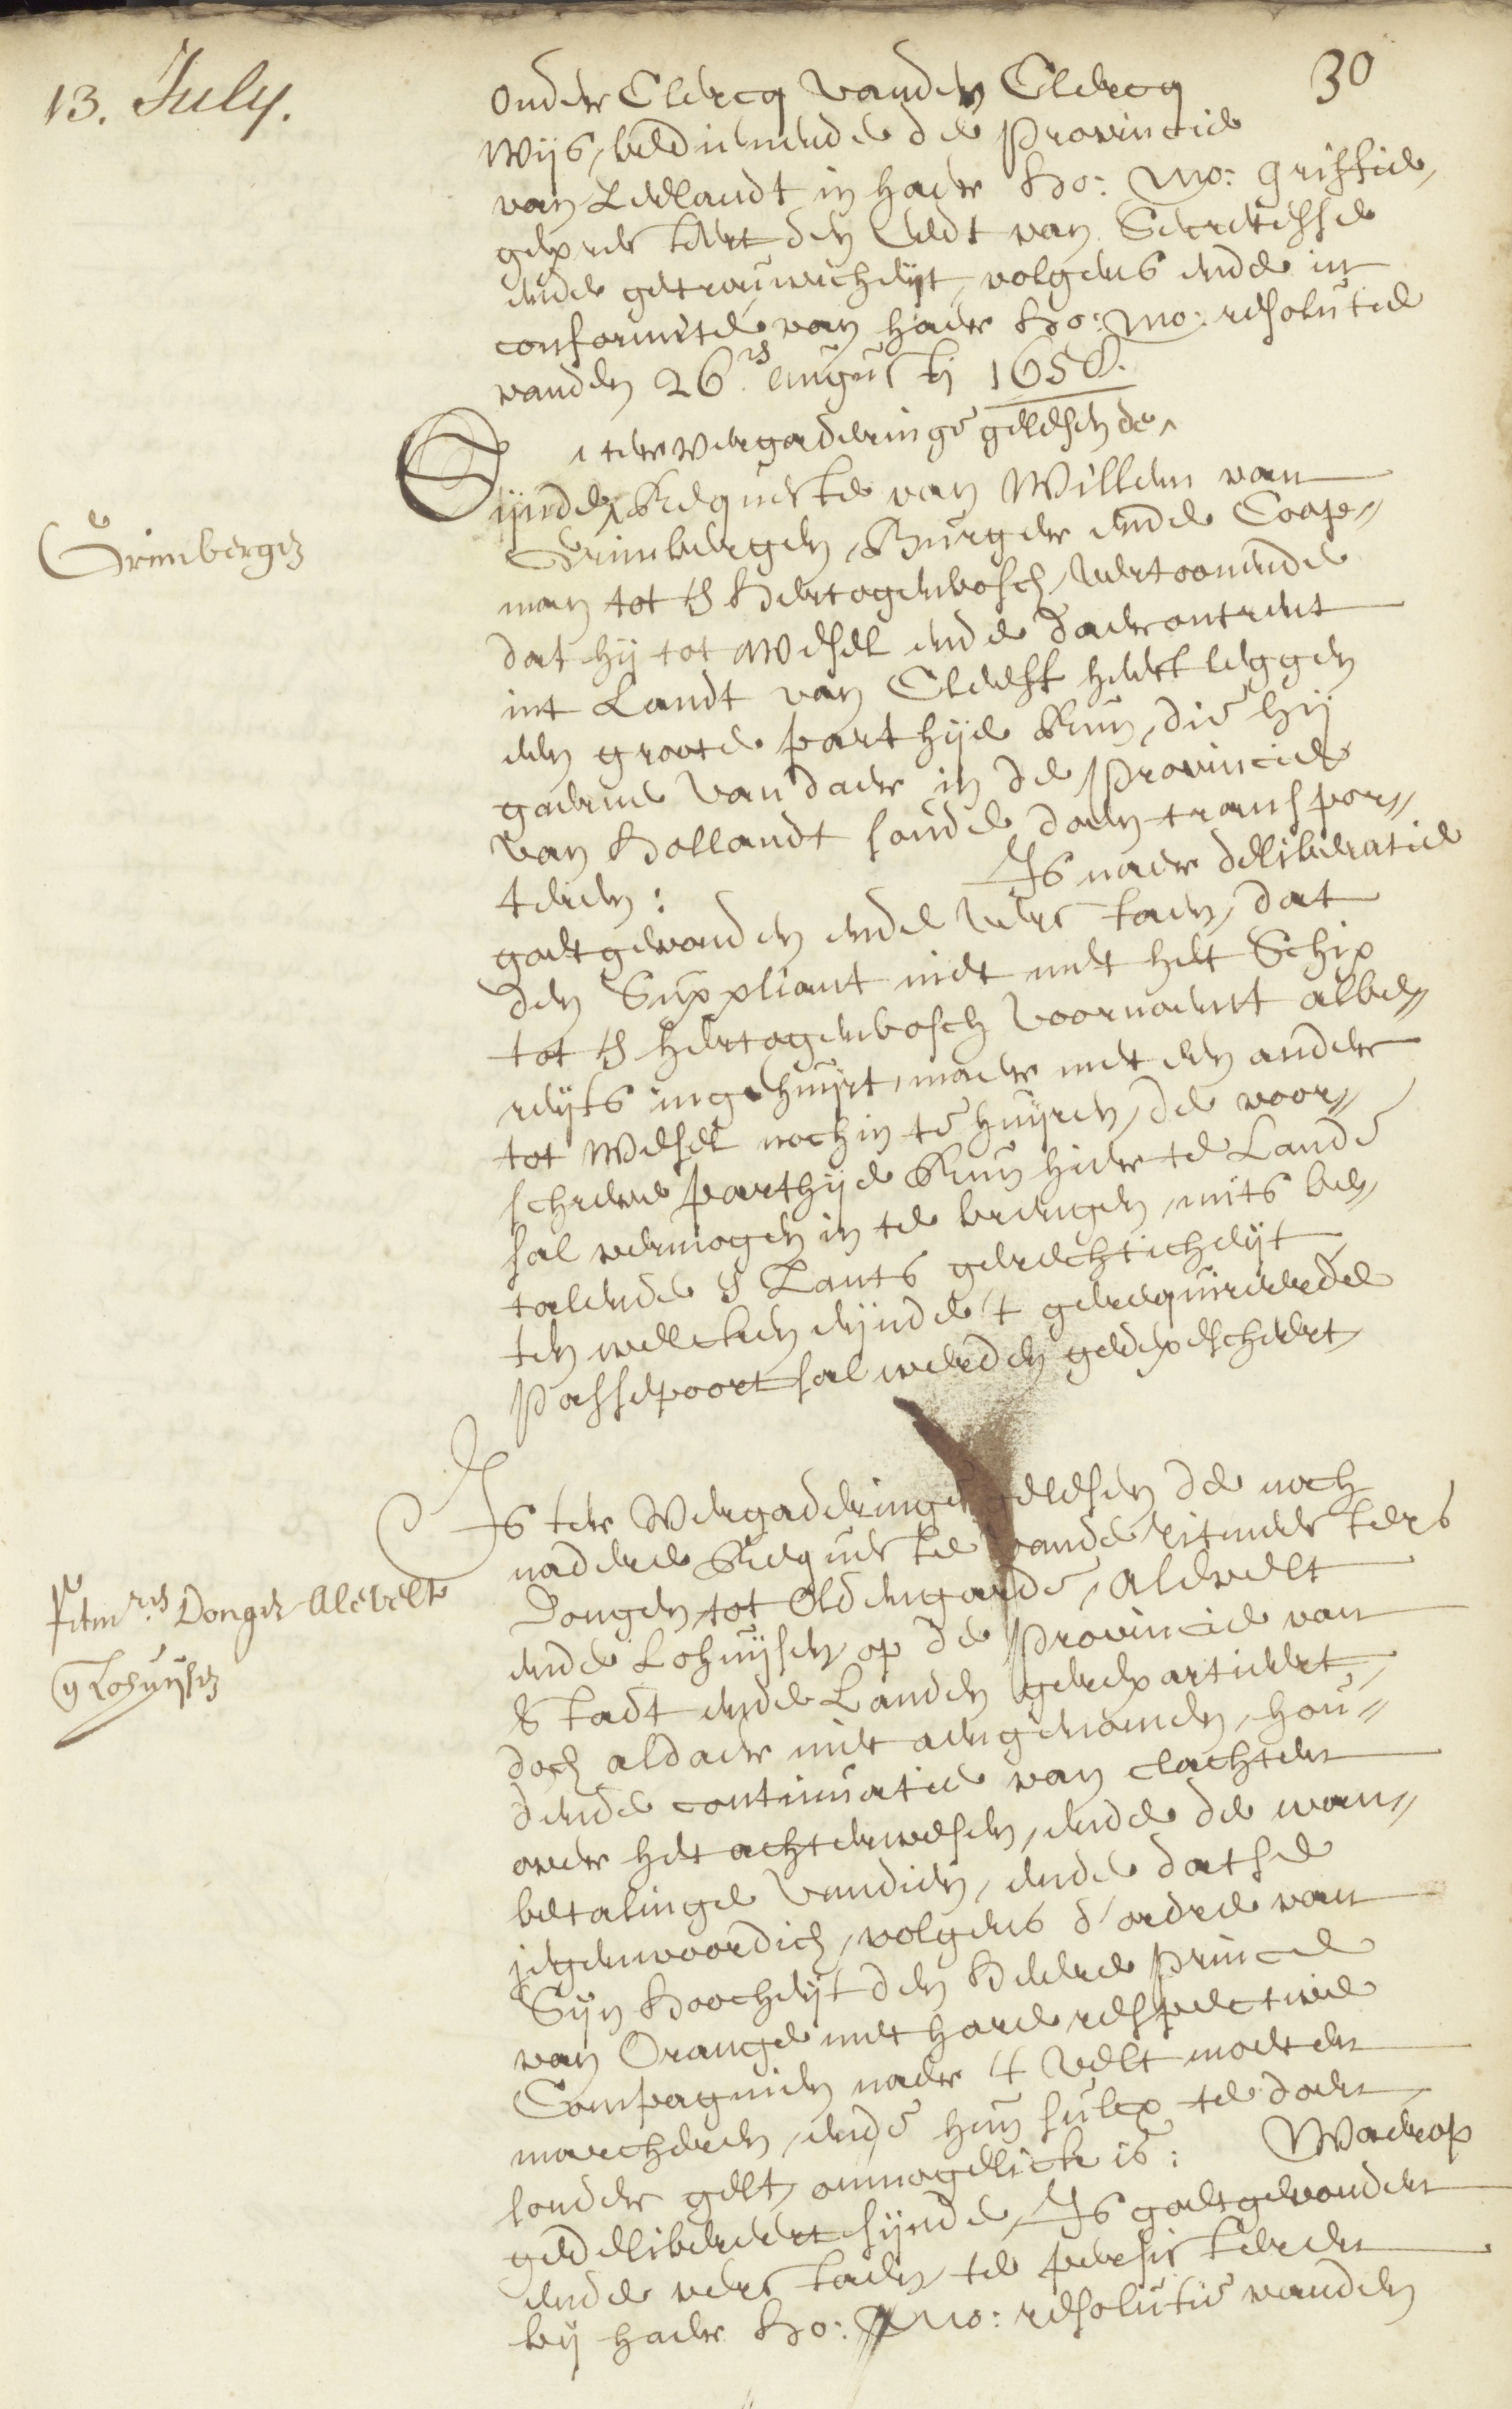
30
13. July.
onderClercq vanden Clercq
Wijs, bedienende de Provincie
van Zeelandt in haer Ho:Mo: Griffie,
gepresteert den Eedt van Secretesse
ende getrouwicheijt, volgens ende in
conformité van haer Ho:Mo: resolutie
vanden 26en Augusti 1658.
Grimbergen
‸ter vergaderinge gelesen de‸
Sijnde‸ Requeste van Willem van
Grimbergen, Burger ende Coop„
man tot ’s Hertogenbosch, vertoonende
dat hij tot Wesel ende daerontrent
int Landt van Cleeff heeft leggen
een groote parthije Run, die hij
gaerne van daer in de provincie
van Hollandt soude doen transpor„
teren: Is naer deliberatie
goetgevonden ende verstaen, dat
den Suppliant niet met het Schip
tot ‛s Hertogenbosch voornoemt albe„
reijts ingehuijrt, maer met een ander
tot Wesel noch in te huijren, de voor„
schreve parthije Run hier te Lande
sal vermogen in te brengen, mits be„
talende ‛s Lants gerechticheijt,
ten welcken eijnde 't gerequireerde
passepoort sal werden gedepescheert.
Ritmren. Dongen Alevelt
& Lohuijsen
Is ter Vergaderinge gelesen de noch
nadere Requeste vande ritmeesters
Dongen tot Oldengarde, Alevelt
ende Lohuijsen, op de Provincie van
Stadt ende Landen gerepartieert,
doch aldaer niet aengenomen, hou„
dende continuatie van clachten
over het achterwesen, ende de wan„
betalinge vandien, ende datse
jegenwoordich, volgens d'ordre van
Sijn Hoocheijt den Heere Prince
van Orange met hare respective
Compagnien naer 't velt moeten
marcheren, ende hun sulcx te doen,
sonder gelt, onmogelick is: Waerop
gedelibereert sijnde, Is goetgevonden
ende verstaen, te persisteren
bij haer Ho:Mo: resolutie vanden
